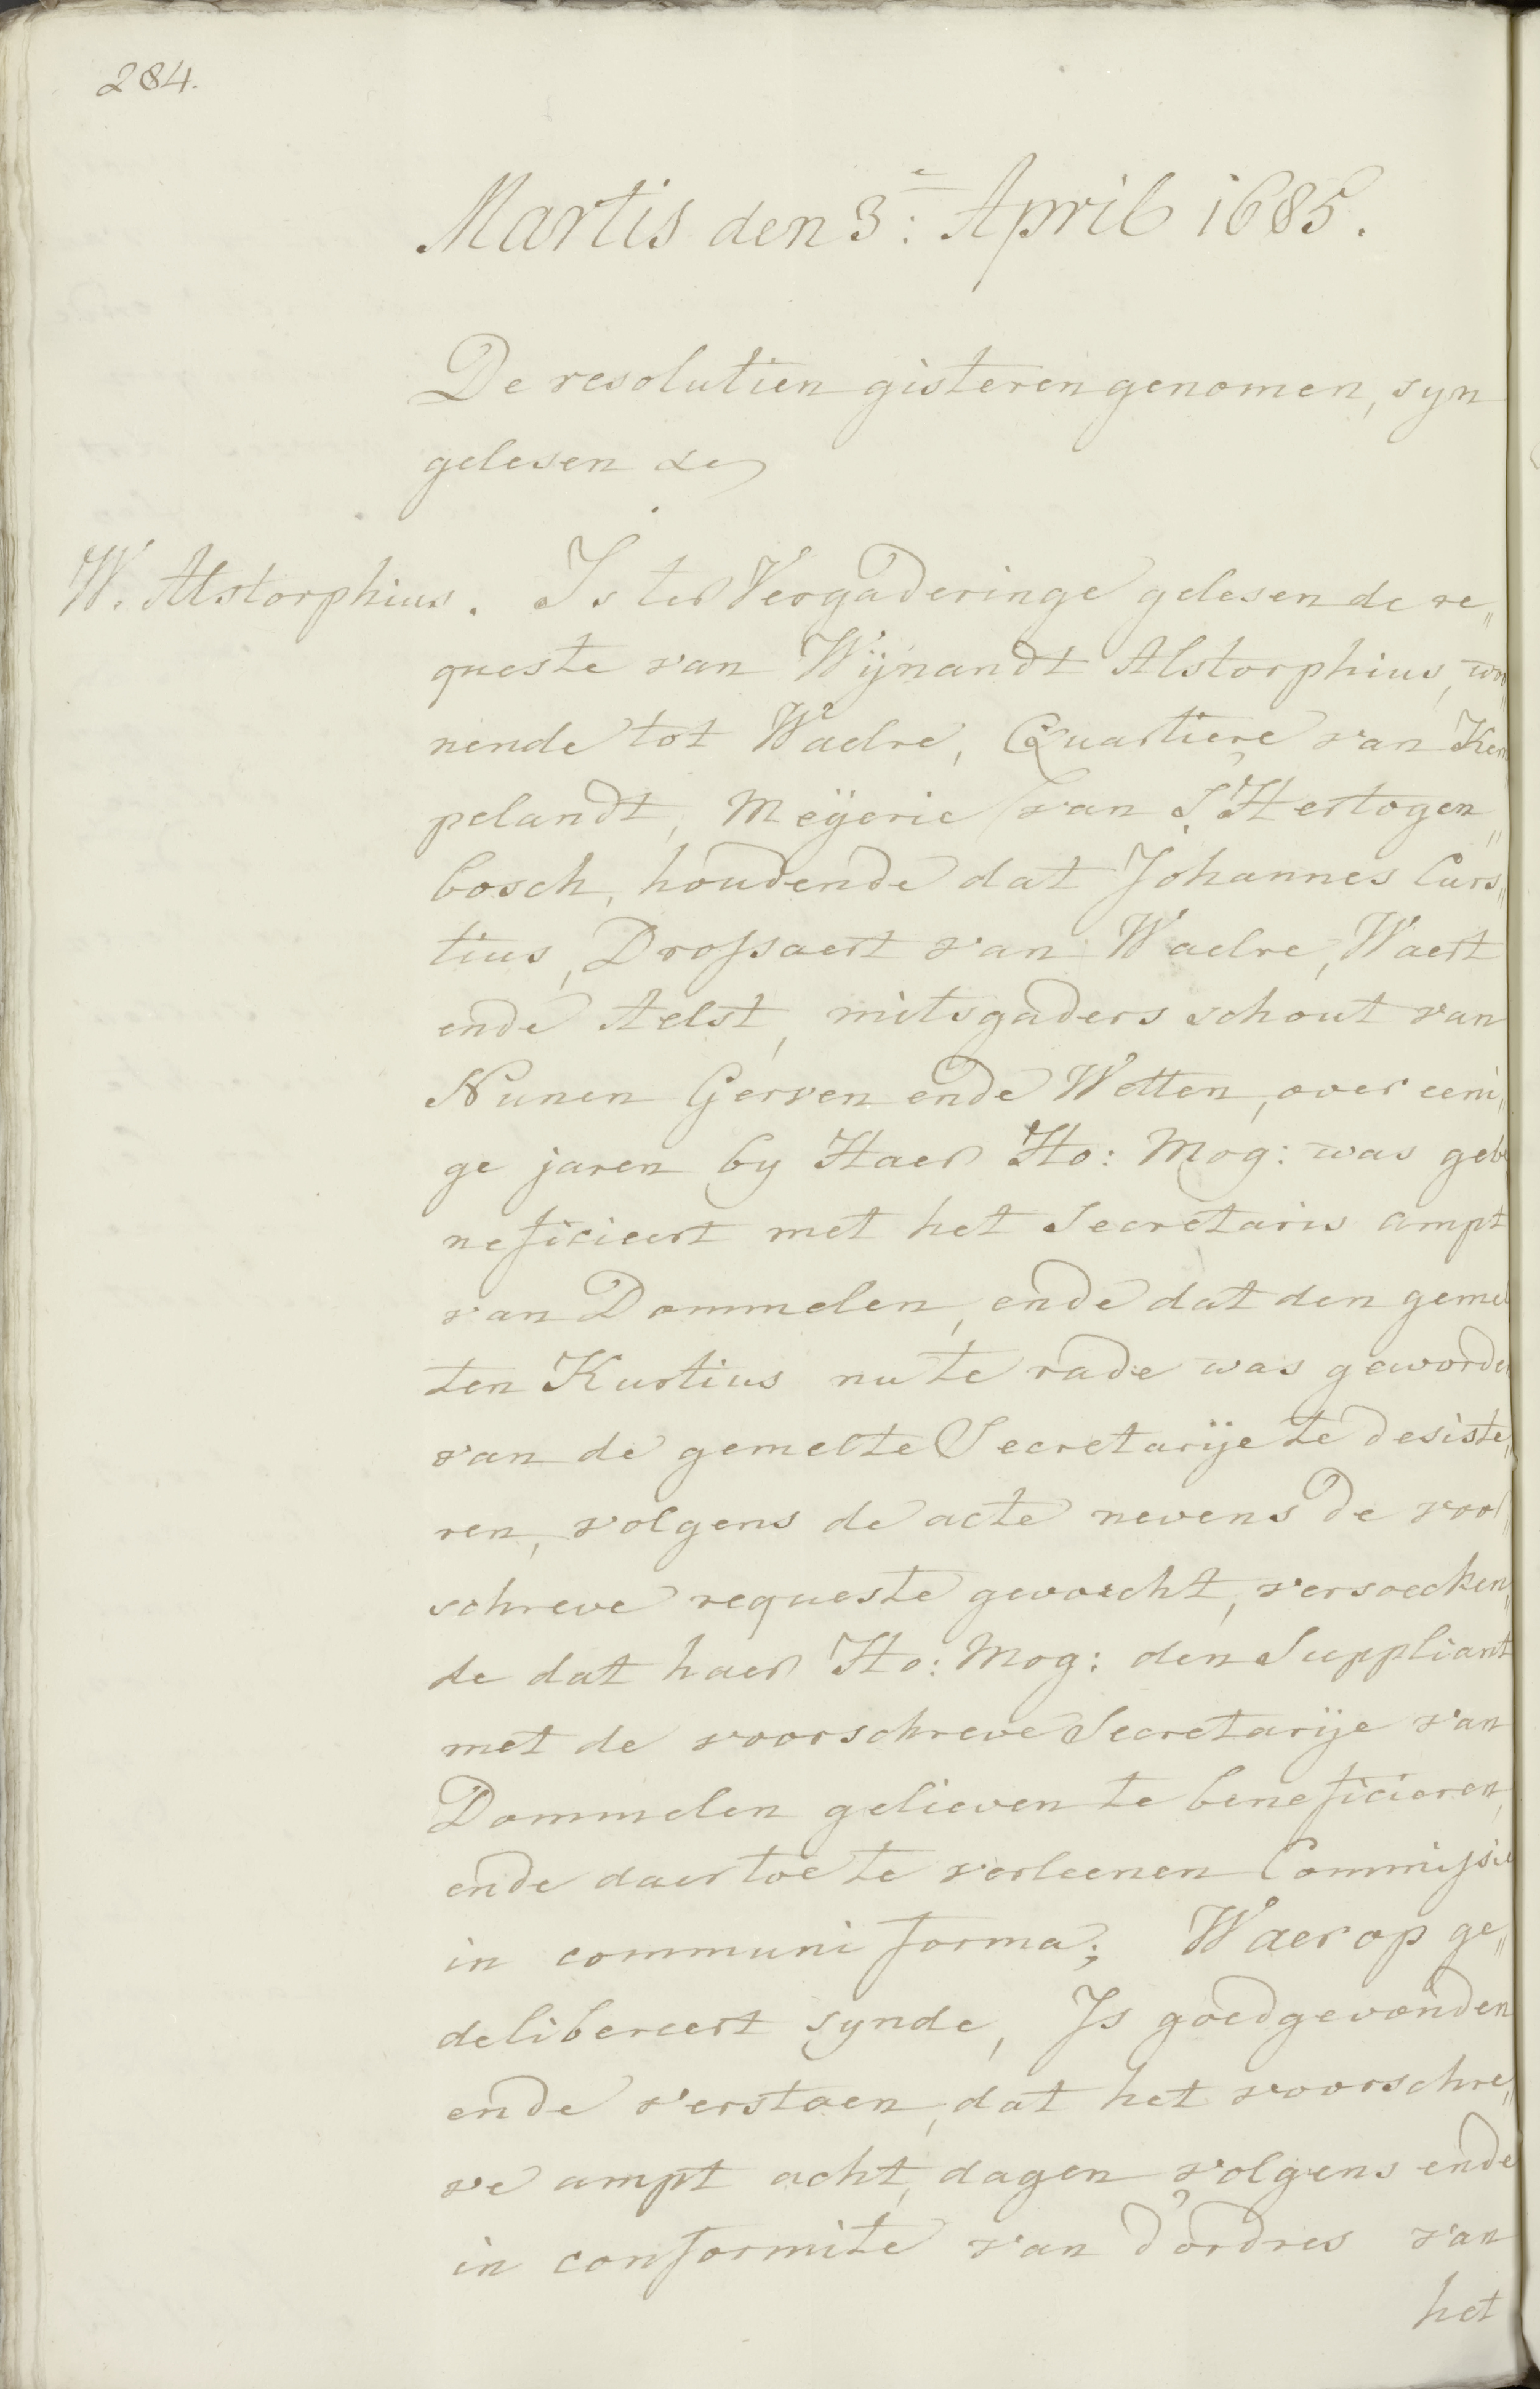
284.
Martis den 3. April 1685.
De resolutien gisteren genomen, sijn
gelesen de
W. Alstorphius.
Is ter Vergaderinge gelesen de re„
queste van Wijnandt Alstorphius woo„
nende tot Waelre, Quartiere van Kem
pelandt, Meijerie van S'Hertogen„
bosch, houdende dat Johannes Curs„
tius, Drossaert van Waelre, Waert
ende Aelst mitsgaders schout van
Nunen Gerven ende Wetten, over eeni„
ge jaren bij Haer Ho: Mog: was gebe„
neficieert met het Secretaris Ampt
van Dommelen, ende dat den gemel
ten Kurtius, nu te rade was geworden
van de gemelte Secretarije te desiste„
ren volgens de acte nevens de voor„
schreve requeste gevoecht versoecken„
de dat haer Ho: Mog: den Suppliant
met de voorschreve Secretarije van
Dommelen gelieven te beneficieren
ende daertoe te verleenen Commissie
in communi forma; Waer op ge„
delibereert sijnde, Is goedgevonden
ende verstaen dat het voorschre„
ve ampt acht dagen volgens ende
en conformité van d'ordres van
het
